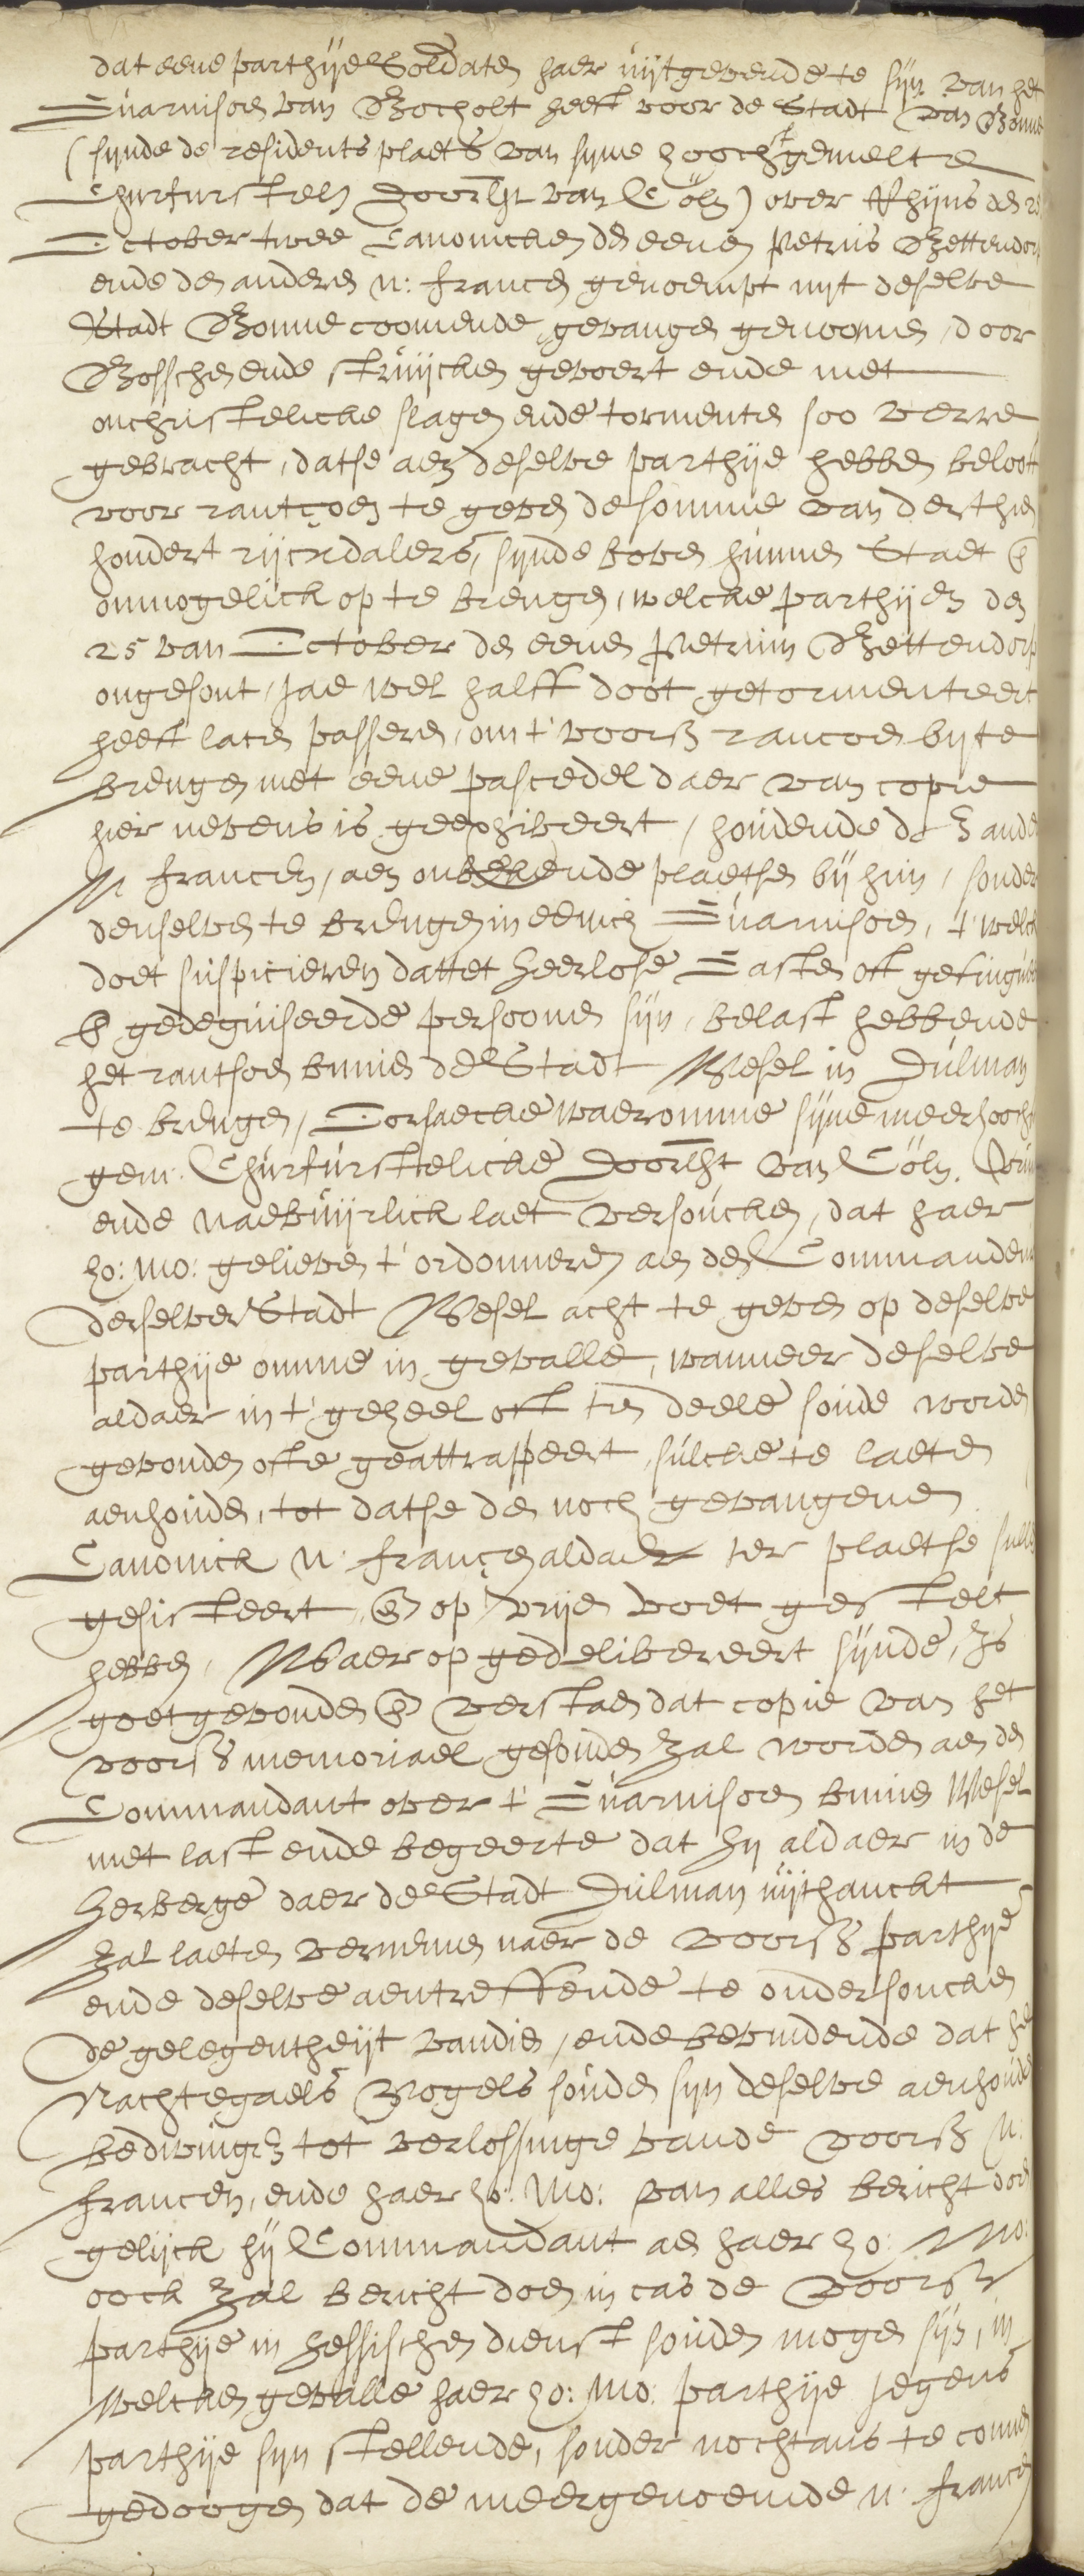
dat eene parthije Soldaten haer uijtgevende te sijn van het
Guarnisoen van Bocholt heeft voor de Stadt van Bonne
(sijnde de residents plaets van sijne hoochstgemelte
Churfurstel Doorlht. van Cöln) over Rhijns den 25
October twee Canonicken den eenen petrus Betterdorp
ende den andere n: francen genoempt uyt deselve
Stadt Bonne coomende, gevangen genoomen, door
Bosschen ende struijcken gevoert ende met
onchristelicke slagen ende tormenten soo verre
gebracht, datse aen deselve parthije hebben belooft
voor rantcoen te geven de somme van derthien
hondert rijcxdalers, sijnde boven hunnen Staet &
onmogelick op te brengen, welcke parthijen den
25 van October den eenen Petrum Bettendorp
ongesont, jae wel halff doot getormenteert
heeft laten passeren, om t‛voorss rancoen bij te
brengen met eene pascedel daer van copie
hier nevens is geexhibeert, houdende den ande
N francen, aen onbekende plaetsen bij hun, sonder
denselven te brengen in eenich Guarnisoen, t‛ welck
doet suspicieren dattet heerlose Gasten off gefingue
& gedeguiseerde persoonen sijn, belast hebbende
het rantsoen binnen de Stadt Wesel in Dulman
te brengen. Oorsaecke waeromme sijne meerhooch
gem. Churfurstelicke Doorlht. van Cöln vru
ende naebuijrlick laet versoucken, dat haer
ho:Mo: gelieven t‛ordonneren aen den Commandeur
derselver Stadt Wesel acht te geven op deselve
parthije omme in gevalle, wanneer deselve
aldaer in t‛ geheel off ten deele soude worden
gevonden ofte geattrappeert, sulcke te laeten
aenhouden, tot datse den noch gevangenen
Canonick n. francen aldaer ter plaetse sullen
gesisteert, & op vrije voet gestelt
hebben. Waer op gedelibereert sijnde, Is
goetgevonden & verstaen dat copie van het
voorss memoriael gesonden zal worden aen den
Commandant over t‛ Guarnisoen binnen Wesel
met last ende begeerte dat hij aldaer inde
herberge daer de Stadt Dulman uijthanckt
zal laeten vernemen naer de voorss parthije
ende deselve aentreffende te ondersoucken
de gelegentheijt vandien, ende bevindende dat he
Nachtegaels Vogels souden sijn deselve aenhoude
bedwingen tot verlossinge vande voorss. N.
francen, ende haer ho:Mo: van alles bericht doen
gelijck hij Commandant aen haer ho:Mo:
oock zal bericht doen in cas de voorss.
parthije in hessischen dienst souden mogen sijn, in
welcken gevalle haer ho:Mo: parthije jegens
parthije sijn stellende, sonder nochtans te connen
gedoogen dat de meergenoemde n. francen
